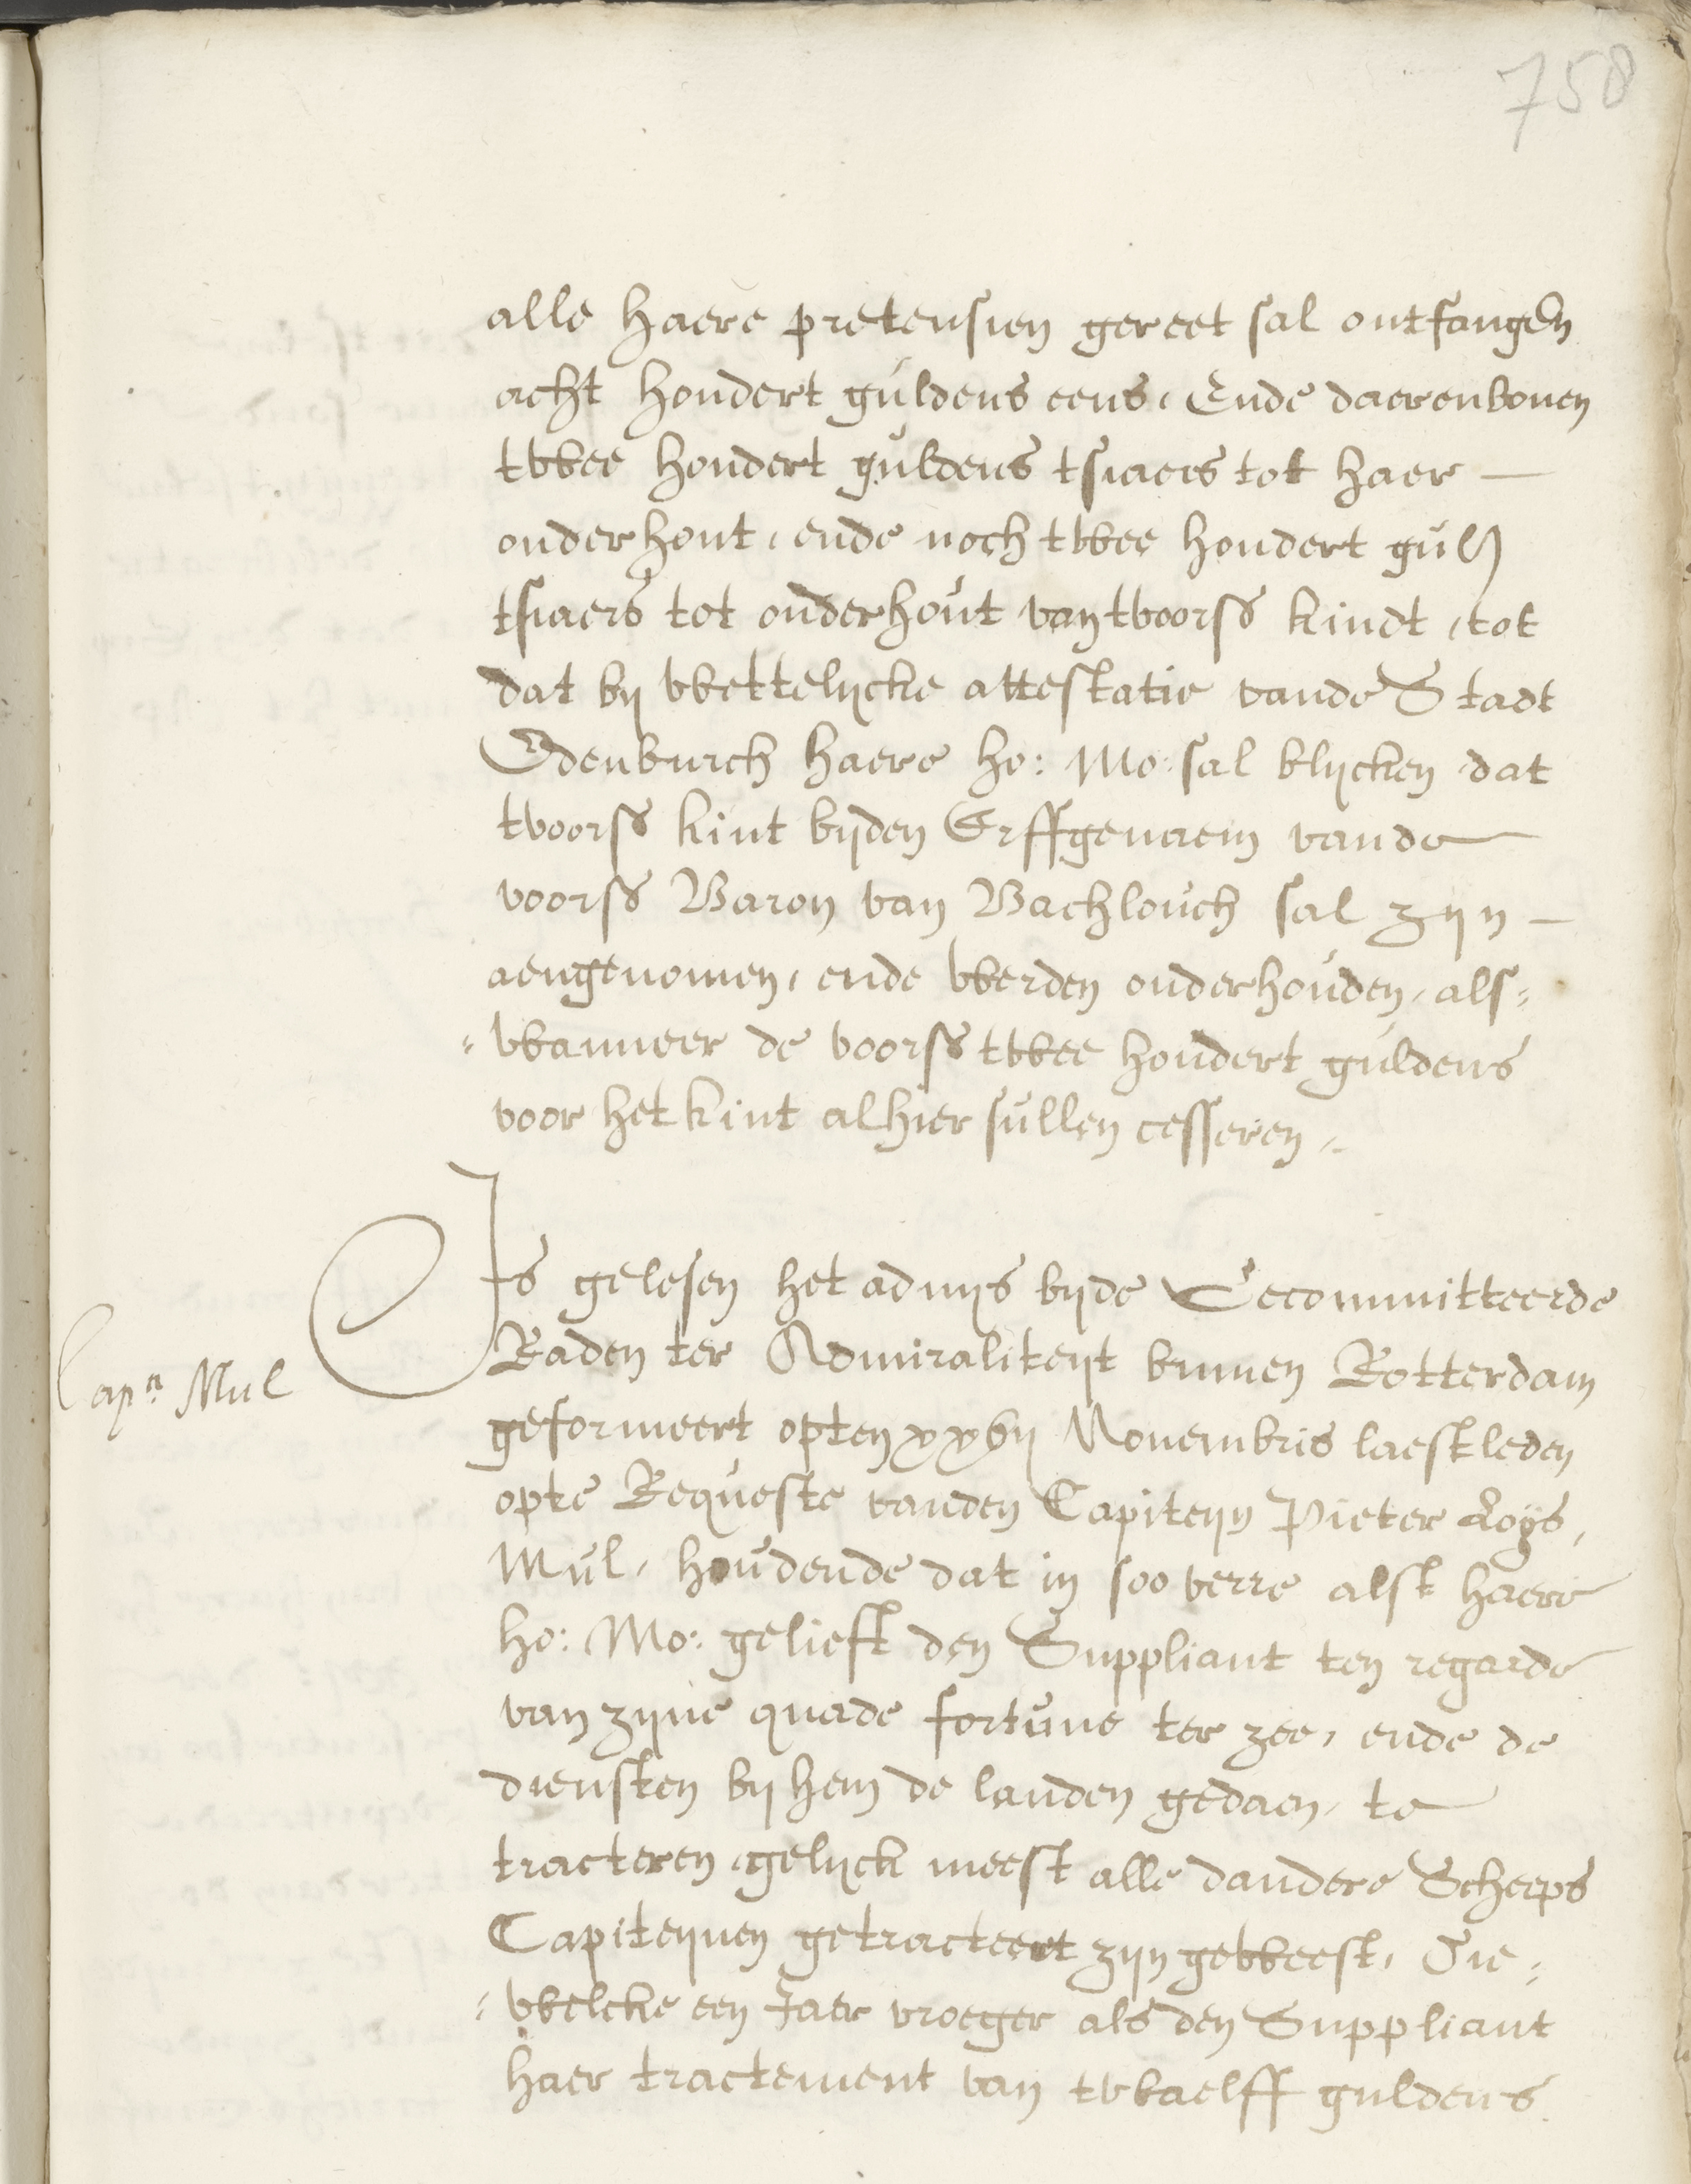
758
alle haere pretensien gereet sal ontfangen
acht hondert guldens eens, Ende daerenbouen
twee hondert guldens tsiaers tot haer
onderhout, ende noch twee hondert gul
tsiaers tot onderhout van tvoors kindt, tot
dat by wettelycke attestatie vande Stadt
Edenburch haere ho:Mo: sal blycken, dat
tvoors kint byden Erffgenaem vande
voors Baron van Bachlouch sal zijn
aengenomen, ende werden onderhouden, als„
,,wanneer de voors twee hondert guldens
voor het kint alhier sullen cesseren.
Capn. Mul
Is gelesen het aduys byde Gecommitteerde
Raden ter Admiraliteyt binnen Rotterdam
geformeert opten xxvij Nouembris laestleden
opte Requeste vanden Capiteyn Pieter Loijs,
Mul, houdende dat in soo verre alst haere
ho:Mo: gelieft den Suppliant ten regarde
van zyne quade fortune ter zee, ende de
diensten by hem de landen gedaen, te
tracteren, gelyck meest alle dandere Scheeps
Capiteynen getracteert zyn geweest, Die„
,,welcke een Jaer vroeger als den Suppliant
haer tractement van twaelff guldens
